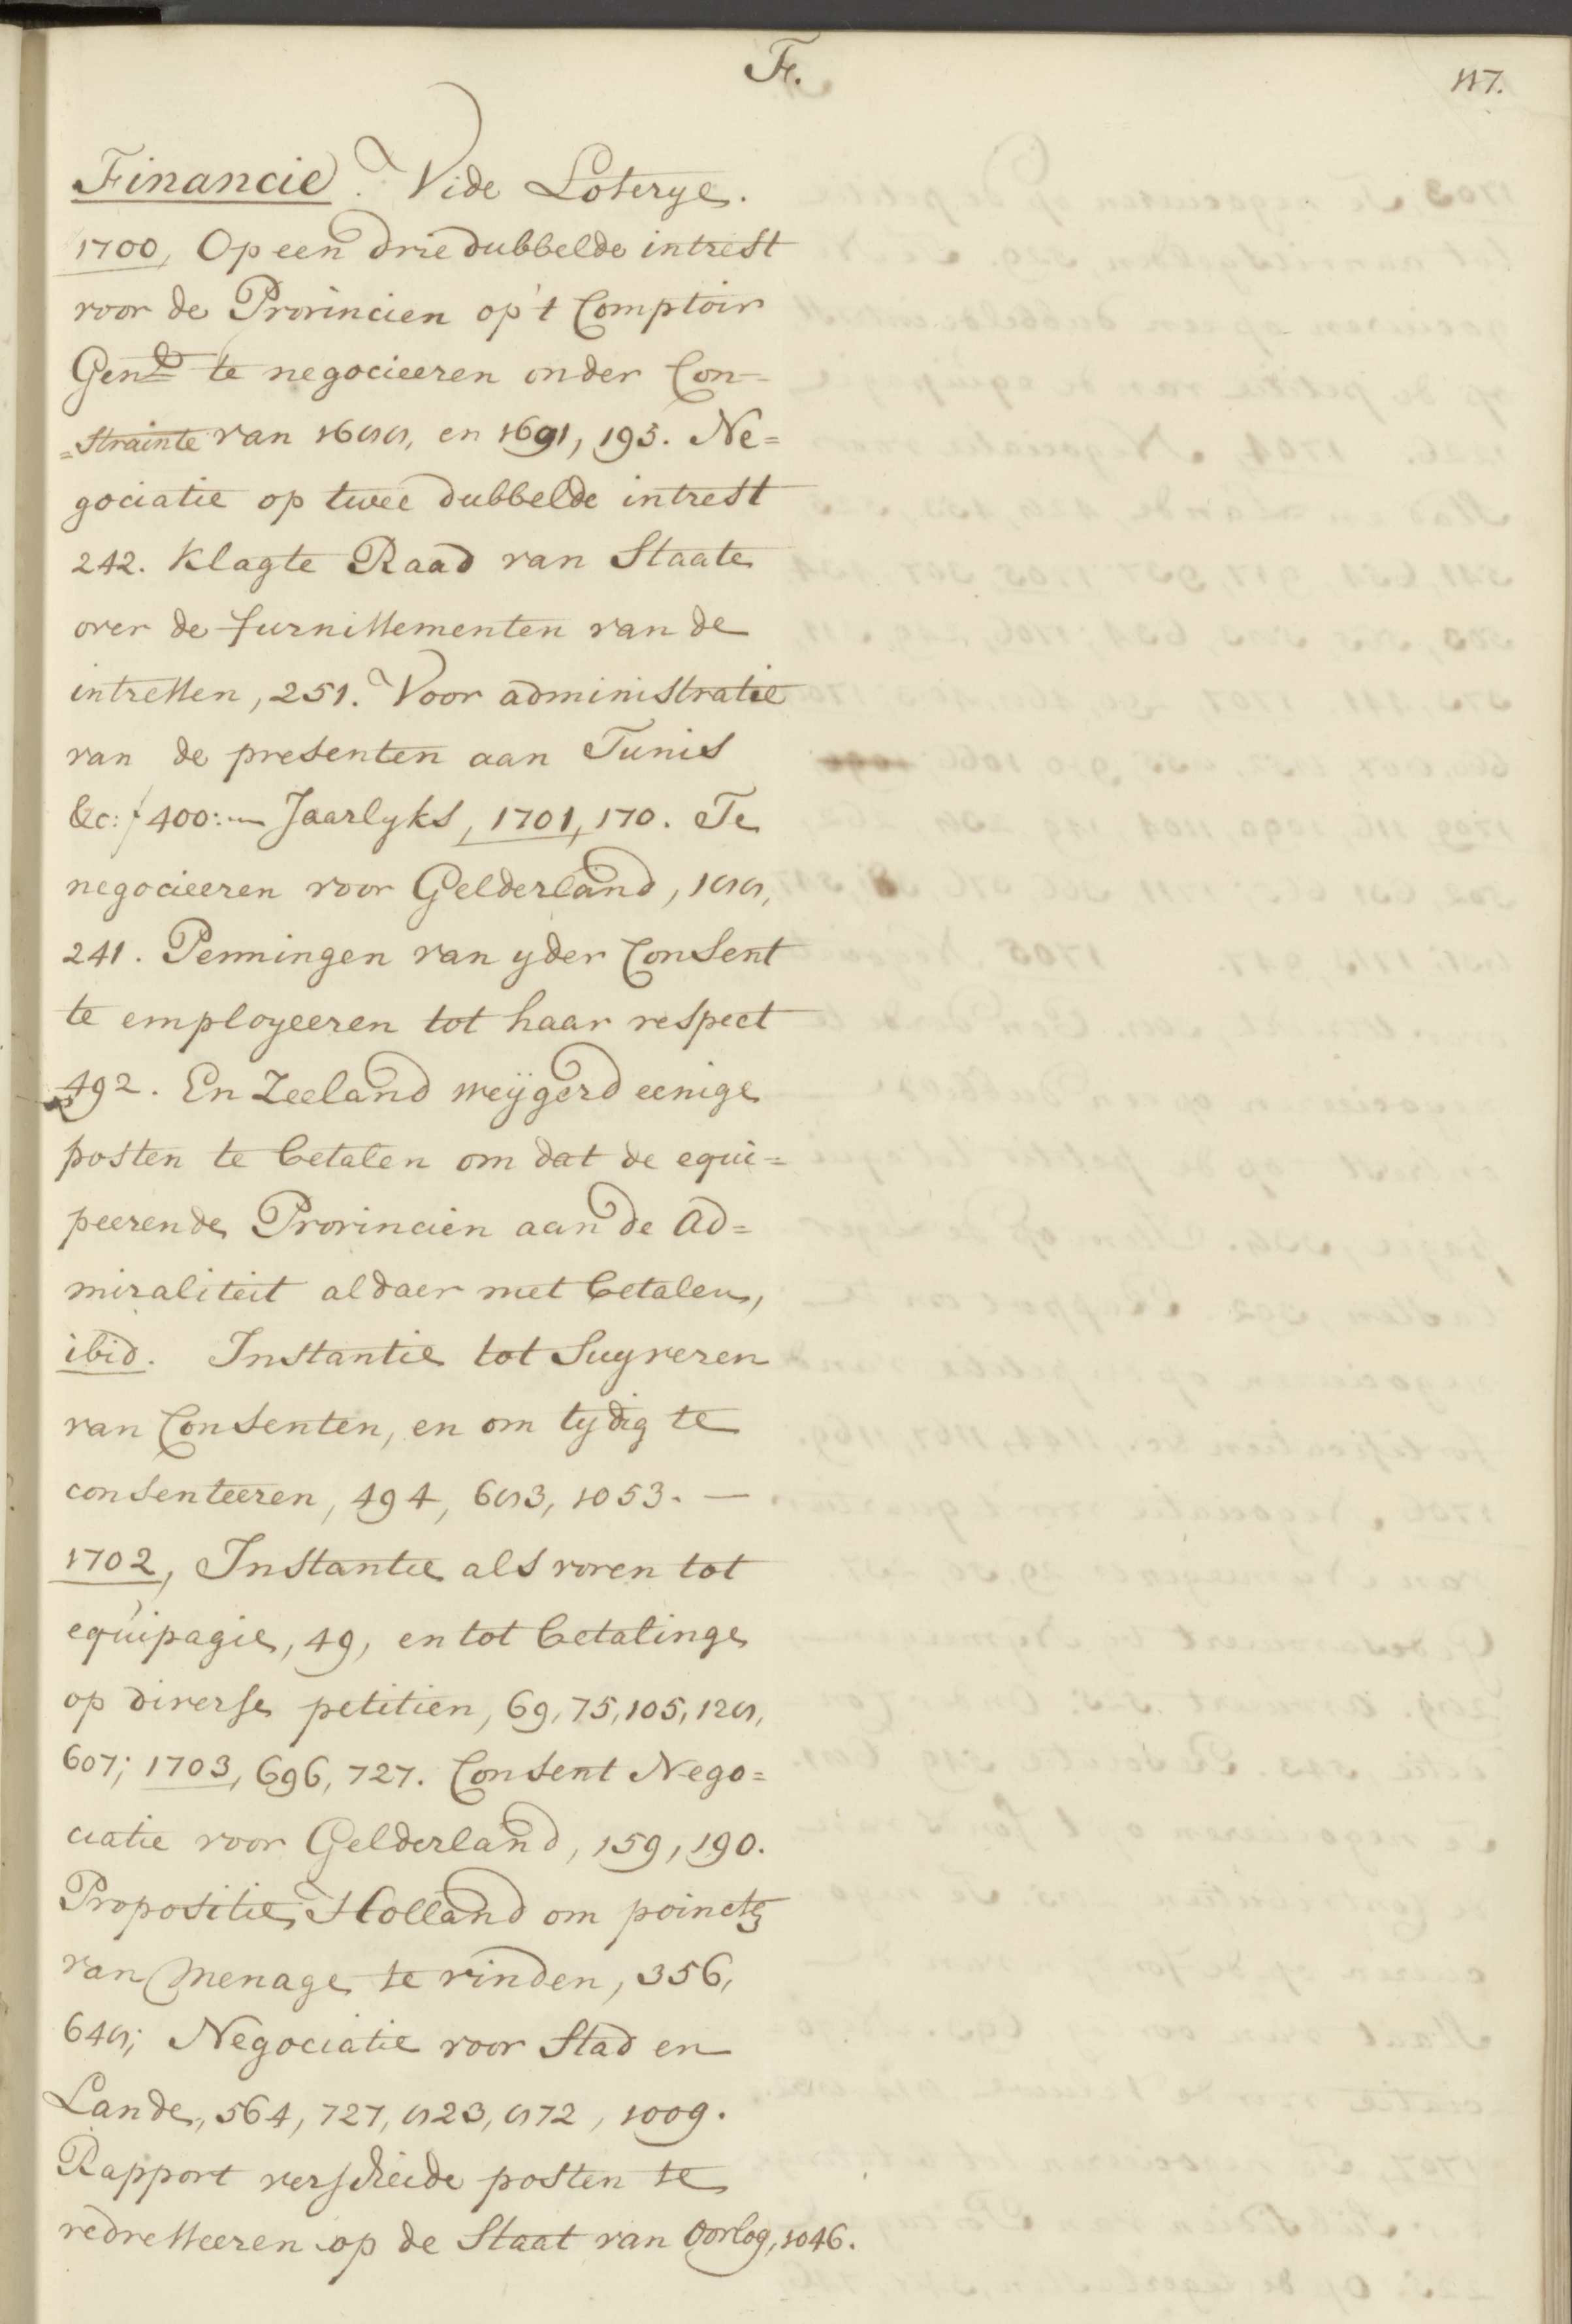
117
F
Financie vide Loterije
1700. Op een drie dubbelde intrest
voor de Provincien op 't Comptoir
Genl te negocieeren onder con„
strainte van 1688 en 1691, 195. Ne„
gociatie op twee dubbelde intrest
242. Klagte Raad van Staate
over de furnissementen van de
intressen, 251. Voor administratie
van de presenten aan Tunis
&c. 400: -- jaarlijks 1701, 170. Te
negocieeren voor Gelderland, 188,
241. Penningen van ijder consent
te employeeren tot haar respect
492. En Zeeland weijgerd eenige
posten te betalen om dat de equi„
peerende Provincien aan de Ad„
miraliteit aldaer niet betalen,
ibid. Instantie tot suyveren
van consenten, en om tydig te
consenteeren, 494, 683, 1053. --
1702, Instantie als voren tot
equipage, 49, ent tot betalinge
op diverse petitien, 69, 75, 105, 128,
607; 1703, 696, 727. Consent nego„
ciatie voor Gelderland, 159, 190.
Propositie Holland om poincten
van menage te vinden, 356,
648; Negociatie voor Stad en
Lande 564, 727, 823, 872, 1009.
Rapport verscheide posten te
redresseeren op de Staat van oorlog, 1046.
